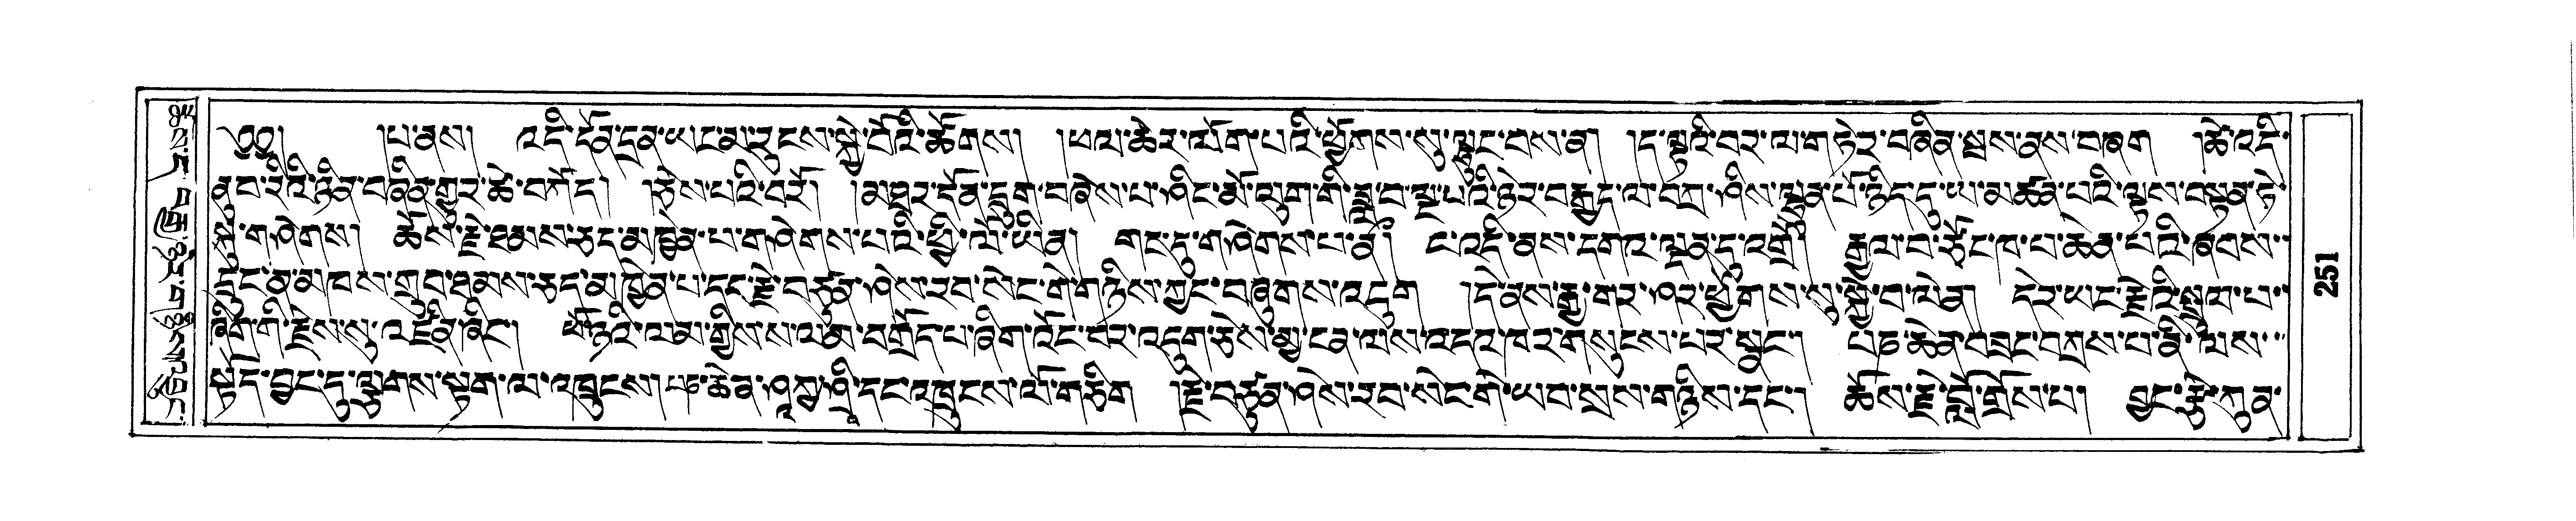༄༅། །པ་ནས། འདི་དོན་དྲན་ཡང་མ་རུངས་སྐྱེ་བོའི་ཚོགས། །ཕལ་ཆེར་ལོག་པའི་ཕྱོགས་སུ་ལྷུང་བས་ན། །ད་ལྟའི་བར་ལག་གཏེར་བཞིན་སྦས་ནས་བཞག། །ཚེ་འདི་
ནུབ་རིའི་ཉིན་བཞིང་གྱུར་ཚེ་བཀོད། །ཅེས་པའི་བོར། །མཐར་དོན་དྲུག་བཞེས་པ་ཤིང་མོ་ལུག་གི་ཟླ་བ་ལྔ་པའི་ཉེར་བརྒྱད་ལ་བཀྲ་ཤིས་ལྷུན་པོ་ཉིད་དུ་ཡ་མཚན་པའི་ལྟས་བསྟན་ཏེ་
སྐུ་གཤེགས། ཆོས་རྗེ་ཐམས་ཅད་མཁྱེན་པ་གཤེགས་པའི་ཕྱི་ལོ་ཡིན། གང་དུ་གཤེགས་པ་ནྀ། ང་འདི་ནས་དགའ་ལྡན་དུ་འགྲོ། རྒྱལ་བ་ཙོང་ཁ་པ་ཆེན་པའི་ཞབས།
དྲུང་ན་མཁས་གྲུབ་ཐམས་ཅད་མཁྱེན་པ་དང་རྗེ་བཙུན་ཤེས་རབ་སེང་གེ་གཉིས་ཀྱང་བཞུགས་འདུག །དེ་ནས་རྒྱ་གར་ཤར་ཕྱོགས་སུ་སྐྱེ་བ་ལེན། དེར་ཡང་རྗེའི་སྤྲུལ་པ་
ཞིག་གི་རྗེས་སུ་འཛིན་ཞིང་། ཕོ་ཉའི་ལམ་གྱིས་ས་ལམ་བགྲོད་པ་ཞིག་འོང་བར་འདུག་ཅེས་མྱ་ངན་ལས་འདའ་ཁར་གསུངས་པར་སྣང་། པཎ་ཆེན་བཟང་བཀྲས་པ་ནི་ལས་
སྟོད་བྱང་དུ་ལྕགས་སྟག་ལ་འཁྲུངས། པཎ་ཆེན་ཤྰྐྱ་ཤྲི་དང་འཁྲུངས་ལོ་གཅིག །རྗེ་བཙུན་ཤེས་རབ་སེང་གེ་ཡབ་སྲས་གཉིས་དང་། ཆོས་རྗེ་བློ་གྲོས་པ། བྱང་རྩེ་ཀུན་